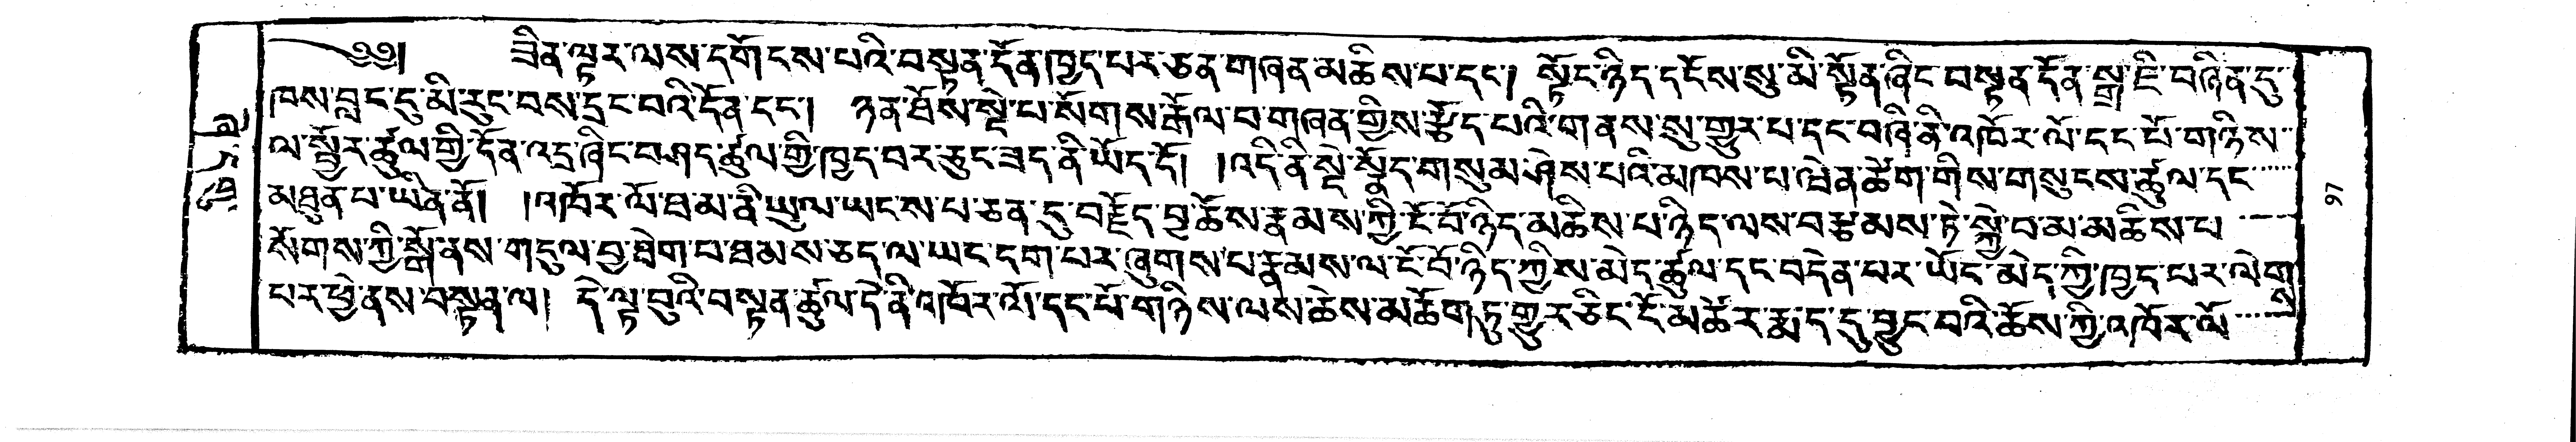༄༅། །ཟིན་ལྟར་ལས་དགོངས་པའི་བསྟན་དོན་ཁྱད་པར་ཅན་གཞན་མཆིས་པ་དང་། སྟོང་ཉིད་དངོས་སུ་མི་སྟོན་ཞིང་བསྟན་དོན་སྒྲ་ཇི་བཞིན་དུ་
ཁས་བླང་དུ་མི་རུང་བས་དྲང་བའི་དོན་དང་། ཉན་ཐོས་སྡེ་པ་སོགས་རྒོལ་བ་གཞན་གྱིས་རྩོད་པའི་གནས་སུ་གྱུར་པ་དང་བཞི་ནི་འཁོར་ལོ་དང་པོ་གཉིས་
ལ་སྦྱོར་ཚུལ་གྱི་དོན་འདྲ་ཞིང་བཤད་ཚུལ་གྱི་ཁྱད་པར་ཅུང་ཟད་ནི་ཡོད་དོ། །འདི་ནི་སྡེ་སྣོད་གསུམ་ཤེས་པའི་མཁས་པ་ཝེན་ཚེག་གིས་གསུངས་ཚུལ་དང་
མཐུན་པ་ཡིན་ནོ། །འཁོར་ལོ་ཐ་མ་ནི་ཡུལ་ཡང་ས་པ་ཅན་དུ་བརྗོད་བྱ་ཆོས་རྣམས་ཀྱི་ངོ་བོ་ཉིད་མཆིས་པ་ཉིད་ལས་བརྩམས་ཏེ་སྐྱེ་བ་མ་མཆིས་པ་
སོགས་ཀྱི་སྒོ་ནས་གདུལ་བྱ་ཐེག་པ་ཐམས་ཅད་ལ་ཡང་དག་པར་ཞུགས་པ་རྣམས་ལ་ངོ་བོ་ཉིད་ཀྱིས་མེད་ཚུལ་དང་བདེན་པར་ཡོད་མེད་ཀྱི་ཁྱད་པར་ལེགས་
པར་ཕྱེ་ནས་བསྟན་ལ། དེ་ལྟ་བུའི་བསྟན་ཚུལ་དེ་ནི་འཁོར་ལོ་དང་པོ་གཉིས་ལས་ཆེས་མཆོག་ཏུ་གྱུར་ཅིང་ངོ་མཚར་རྨད་དུ་བྱུང་བའི་ཆོས་ཀྱི་འཁོར་ལོ་